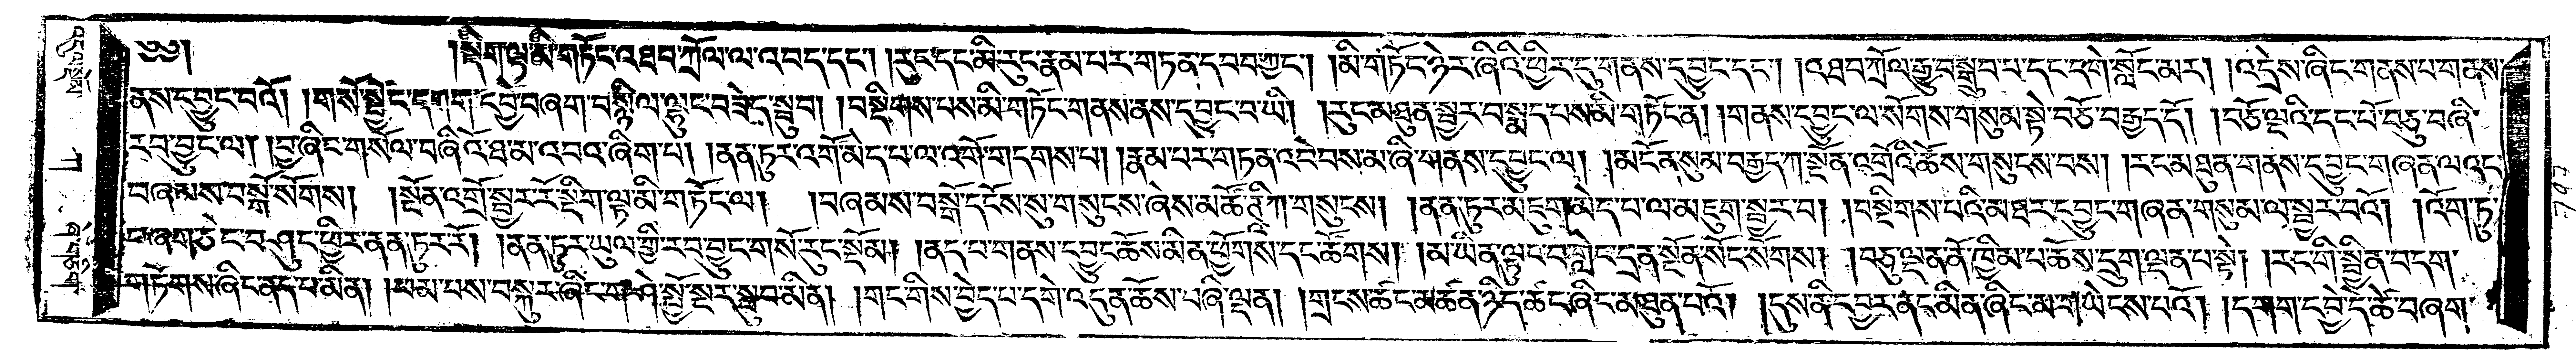༄༅། །སྡིག་ལྟ་མི་གཏོང་འཐབ་ཀྲོལ་ལ་འབད་དང་། །རུང་དང་མི་རུང་རྣམ་པར་གཏན་དབབ་ཀྱང་། །མི་གཏོང་ཉེར་ཞིའི་ཕྱིར་དུ་གནས་དབྱུང་དང་། །འཐབ་ཀྲོལ་རྒྱུ་བསྒྲུབ་པ་དང་དགེ་སློང་མར། །འདྲེས་ཞིང་གནས་པ་གནས་
ནས་དབྱུང་བའོ། །གསོ་སྦྱོང་དགག་དབྱེ་བཞག་བསྙིལ་ལྷུང་བཟེད་སྤུབ། །བསྡིགས་པས་མི་གཏོང་གནས་ནས་དབྱུང་བ་ཡི། །རུང་མཐུན་སྦྱར་བ་སྨད་པས་མི་གཏོང་ན། །གནས་དབྱུང་ལ་སོགས་གསུམ་སྟེ་བཅོ་བརྒྱད་དོ། །བཅོ་ལྔའི་དང་པོ་བཅུ་བཞི་
རབ་བྱུང་ལ། །བྱ་ཞིང་གསོལ་བཞིའོ་ཐ་མ་འབའ་ཞིག་པ། །ནན་ཏུར་འགོ་མེད་པ་ལ་འགོ་གདགས་པ། །རྣམ་པར་གཏན་འབེབས་མ་ཞི་གནས་དབྱུང་ལ། །མངོན་སུམ་བརྒྱད་ཀ་སྔོན་འགྲོའི་ཆོས་གསུངས་པས། །རང་མཐུན་གནས་དབྱུང་གཞན་ལའང་
བཞམས་བསྒོ་སོགས། །སྔོན་འགྲོ་སྦྱར་རོ་སྡིག་ལྟ་མི་གཏོང་ལ། །བཞམས་བསྒོ་དངོས་སུ་གསུངས་ཞེས་མཚོ་ཊིཀ་གསུངས། །ནན་ཏུར་མཇུག་མེད་པ་ལ་མཇུག་སྦྱར་བ། །བསྡིགས་པའི་མཐར་དབྱུང་གཞན་གསུམ་ལ་སྦྱར་བའོ། །འོག་ཏུ་
བཞག་ཅིང་བཤུང་ཕྱིར་ནན་ཏུར་རོ། །ནན་ཏུར་ཡུལ་གྱི་རབ་བྱུང་གསོ་རུང་སྔོམ། །ནད་པ་གནས་དབྱུང་ཆོས་མིན་ཕྱོགས་དང་ཚོགས། །མ་ཡིན་ལྟུང་བ་གླེང་དྲན་སྔོན་སོང་སོགས། །བཅུ་ལྡན་ནོ་ཁྱིམ་པ་ཆོས་དྲུག་ལྡན་པ་སྟེ། །རང་གི་སྦྱིན་བདག་
གཏོགས་ཞིང་ནད་པ་མིན། །ཕམ་པས་བསྐུར་ཞིང་གཤེ་སྤྱོ་སྔར་སྦུབ་མིན། །གང་གིས་བྱེད་པ་དགེ་འདུན་ཆོས་བཞི་ལྡན། །གྲངས་ཚང་མཚན་ཉིད་ཚང་ཞིང་མཐུན་པའོ། །དུས་ནི་དབྱར་ནང་མིན་ཞིང་མ་གཡེངས་པའོ། །དགག་དབྱེ་དེ་ཚེ་བཞག་